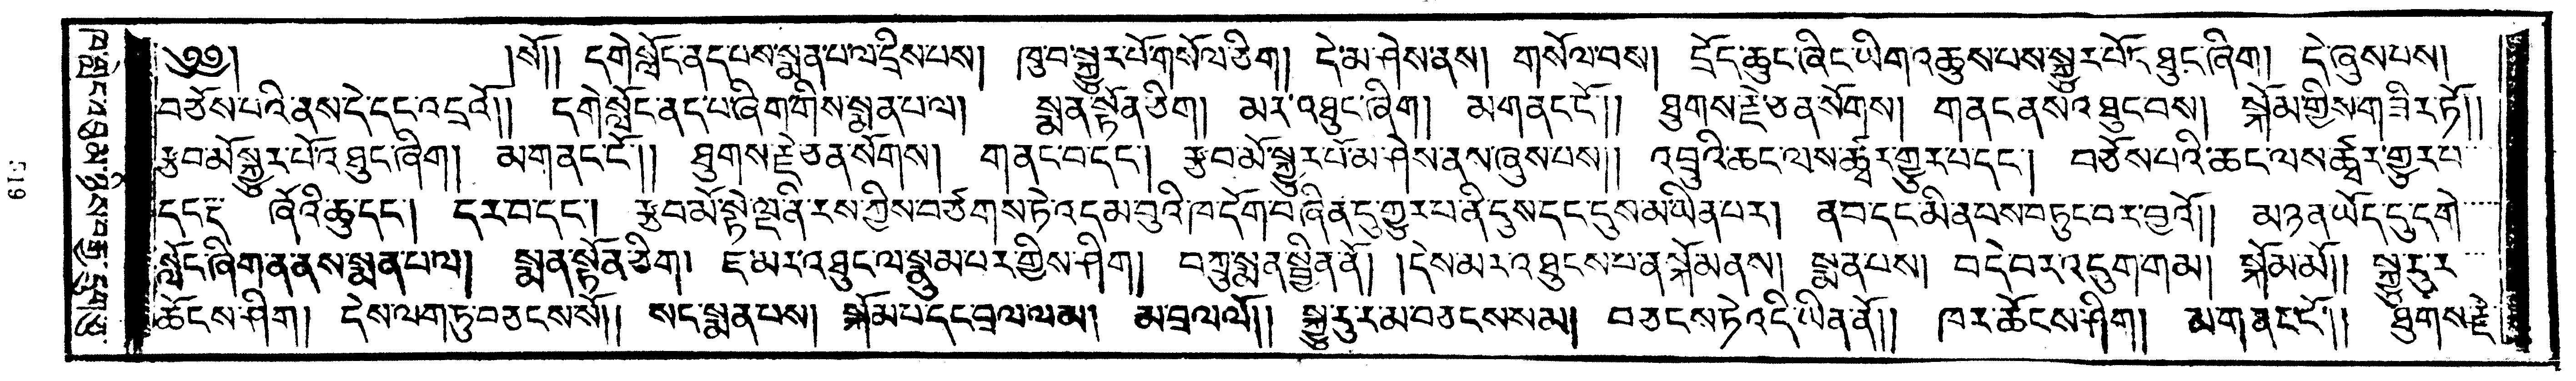༄༅། །སོ།། དགེ་སློང་ནད་པས་སྨན་པ་ལ་དྲིས་པས། ཁུ་བ་སྐྱུར་པོ་གསོལ་ཅིག། དེ་མ་ཤེས་ནས། གསོལ་བས། དྲོད་ཆུང་ཞིང་ཡིག་འཆུས་པས་སྐྱུར་པོང་ཐུང་ཞིག། དེ་ཞུས་པས།
བཅོས་པའི་ནས་དེ་དང་འདྲའོ།། དགེ་སློང་ནད་པ་ཞིག་གིས་སྨན་པ་ལ། སྨན་སྟོན་ཅིག། མར་འཐུང་ཞིག། མ་གནང་ངོ།། ཐུགས་རྗེ་ཅན་སོགས། གནང་ནས་འཐུང་བས། སྐོམ་གྱིས་གཟིར་ཏོ།།
རྩབ་མོ་སྐྱུར་པོ་འཐུང་ཞིག། མ་གནང་ངོ།། ཐུགས་རྗེ་ཅན་སོགས། གནང་བ་དང་། རྩབ་མོ་སྐྱུར་པོ་མ་ཤེས་ནས་ཞུས་པས།། འབྲུའི་ཆང་ལས་ཚྭར་གྱུར་པ་དང་། བཅོས་པའི་ཆང་ལས་ཚྭར་གྱུར་པ་
དང༑ ཞོའི་ཆུ་དང་། དར་བ་དང་། རྩབ་མོ་སྟེ་ལྔ་ནི་རས་ཀྱིས་བཙགས་ཏེ་འདམ་བུའི་ཁ་དོག་བཞིན་དུ་གྱུར་པ་ནི་དུས་དང་དུས་མ་ཡིན་པར། ན་བ་དང་མིན་པས་བཏུང་བར་བྱའོ།། མཉན་ཡོད་དུ་དགེ་
སློང་ཞིག་ན་ནས་སྨན་པ་ལ། སྨན་སྟོན་ཅིག །ཇ་མར་འཐུང་ལ་སྣུམ་བར་གྱིས་ཤིག །བཀྲུ་སྨན་སྦྱིན་ནོ། །དེས་མར་འཐུངས་པ་ན་སྐོམ་ནས། སྨན་པས། བདེ་བར་འདུག་གམ། སྐོམ་མོ། སྐྱུ་རུར་
ཆོངས་ཤིག །དེས་ལག་ཏུ་བཅངས་སོ། །སད་སྨན་པས། སྐོམ་པ་དང་བྲལ་ལམ། མ་བྲལ་ལོ།། སྐྱུ་རུ་ར་མ་བཅངས་སམ། བཅངས་ཏེ་འདི་ཡིན་ནོ།། ཁར་ཆོངས་ཤིག། མ་གནང་ངོ།། ཐུགས་རྗེ་